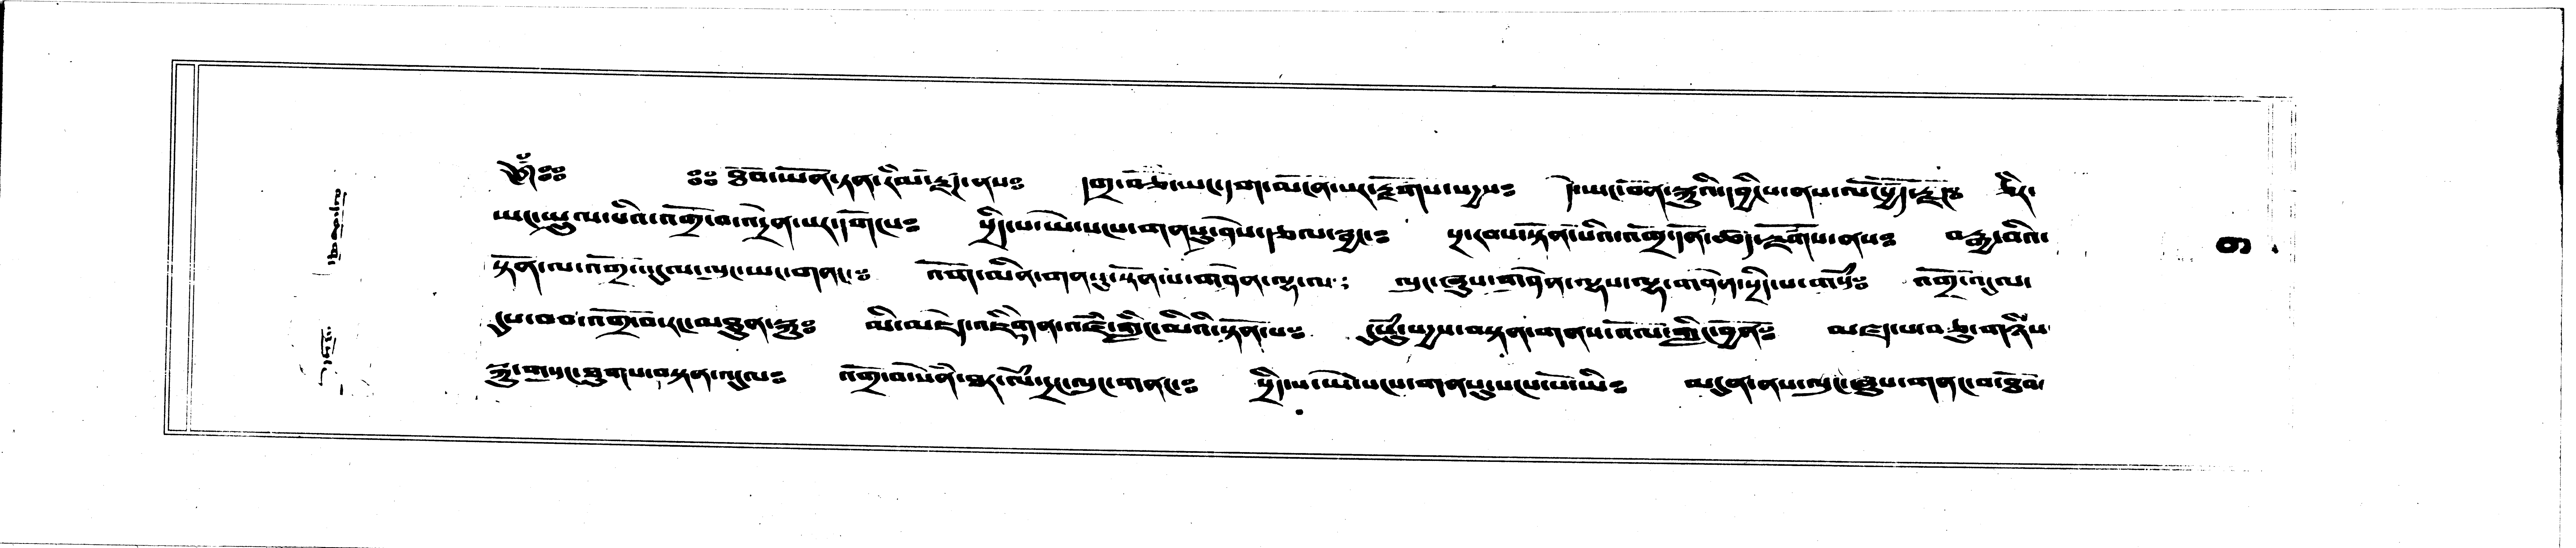ཐོབ་ཡོན་ཏན་རིམ་རྫོགས་ནསཿ དགྲ་བཅོམ་ཡང་དག་མངོན་པར་རྫོགས་སངས་རྒྱསཿ དེ་ཡང་བོན་སྐུའི་དབྱིངས་ནས་ལོངས་སྤྱོད་རྫོགསཿ ཅིར་
ཡང་སྤྲུལ་པའི་འགྲོ་བ་འདྲེན་པར་དགོངསཿ སྲིད་པ་ཡེ་སངས་གནས་སུ་ཤེས་རྩལ་སྦྱངསཿ སྔ་རབས་སྟོན་པའི་འགྲོ་དོན་ཚད་རྫོགས་ནསཿ བརྒྱ་པའི་
སྟོན་ལ་འགྲོ་འདུལ་ལུང་ཡང་གནངཿ འོག་མིན་གནས་སུ་སྟོན་པ་གཤེན་ལྷ་ལཿ ལུང་ཞུས་གཤེན་ལྷས་ལྷ་གཤེན་སྲིད་པ་གསུམཿ འགྲོ་དོན་
དུས་བབས་འགྲོ་བ་རང་མཐུན་སྐུཿ མི་མཇེད་འཇིག་རྟེན་འཛམ་གླིང་མིའི་སྟོན་པཿ དུས་གསུམ་སངས་རྒྱས་བསྟན་གནས་འོལ་གླིང་བྱོནཿ མཛད་པ་བཅུ་གཉིས་
སྐུ་གསུང་ཐུགས་བསྟན་འདུལཿ འགྲོ་བ་སེམས་ཅན་ཐར་ལམ་དྲངས་ལུང་གནངཿ སྲིད་པ་ཡེ་སངས་གནས་སུ་སངས་པོ་ཡིཿ མདུན་ནས་ལུང་ཞུས་གནང་བ་ཐོབ་